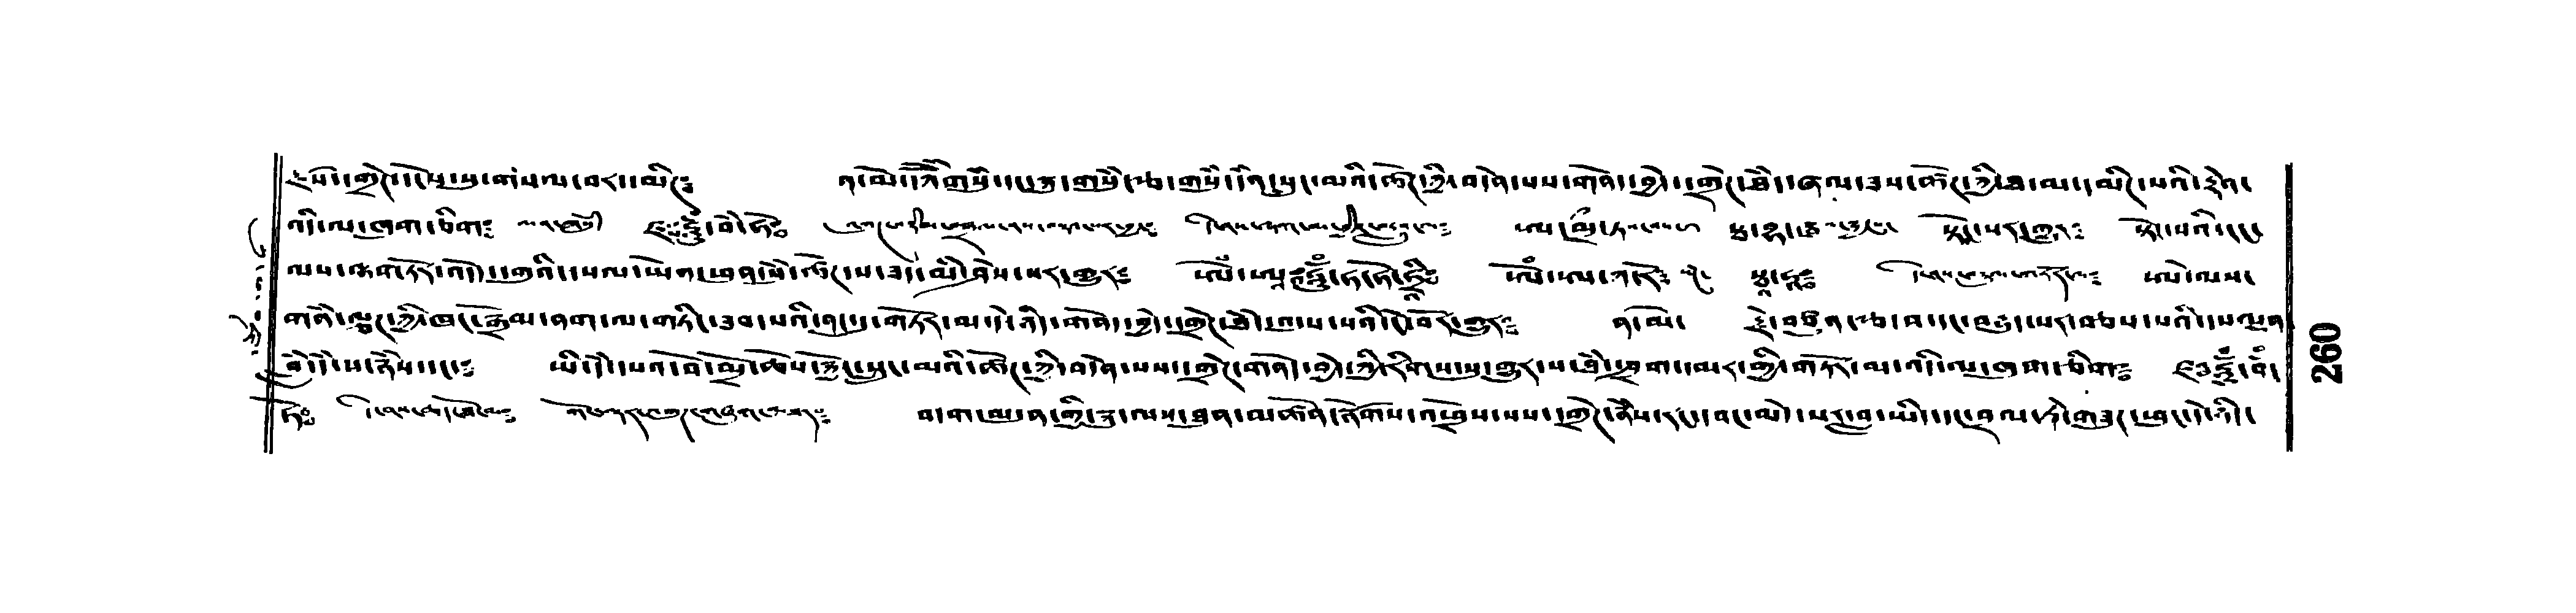རྫས་དགྲ་བགེགས་དངོས་སུ་གསལ་བར་དམིགས༔ ན་མོ༔དཀོན་མཆོག་གསུམ་དང་སྐུ་གསུམ་རྩ་གསུམ་དམ་ཅན་སྲུང་མའི་ཚོགས་ཀྱི་བདེན་པས་གནོད་བྱེད་དགྲ་བགེགས་ཐམས་ཅད་ཞལ་ཟས་ཚོགས་ཀྱི་ཐ་མ་དམིགས་པའི་རྟེན་
འདི་ལ་ཁུག་ཅིག༔ ལན་གསུམ༔ ཛཿཧཱུྃ་བཾ་ཧོཿ འགུགས་བསྟིམ་བསྒྲལ་ནས་བསྟབ་པར་བྱ༔ དེ་ནས་ལྷག་མ་བྱིན་བརླབ་ལ༔ ཨ་མྲྀ་ཏ ས་བསངས༔ སྭ་བྷ་ཝ་ལ་སྦྱངས༔ སྟོང་པར་གྱུར༔ སྟོང་པའི་ངང་
ལས་ལྷག་གཏོར་འདོད་དགུའི་དཔལ་ཡོན་ཕུན་སུམ་ཚོགས་པ་ཟད་མི་ཤེས་པར་གྱུར༔ ཨོཾ་ཨཱཿཧཱུྃ་ཧ་ཧོ་ཧྲཱིཿ ཨོཾ་ཨ་ཀ་རོ༴ སོགས༔ སྭཱ་ཧཱཿ དེ་ནས་བསྐུལ་གཏོར་ལ༔ ཨེ་ལས་
གནམ་ལྕགས་ཀྱི་ཁང་སྒྲོམ་ནག་ལ་གཏིང་ཟབ་པའི་ནང་དུ་གཏོར་མ་དེ་ཉིད་གནོད་བྱེད་དགྲ་བགེགས་ཐམས་ཅད་འདུས་པའི་ངོ་བོར་གྱུར༔ན་མོ༔ རྗེ་བཙུན་རྩ་བ་དང་བརྒྱུད་པར་བཅས་པའི་དཔལ་ལྡན་
བླ་མ་དམ་རྣམ་དང་། ཡི་དམ་དཔའ་བོ་མཁའ་འགྲོ་ཆོས་སྐྱོང་སྲུང་མའི་ཚོགས་ཀྱི་བདེན་པས་དགྲེགས་གནོད་བྱེད་ཀྱི་རིགས་སུ་གྱུར་པ་ཐམས་ཅད་ཤ་ཁྲག་དམར་གྱི་གཏོར་མ་འདི་ལ་ཁུག་ཅིག༔ ཛཿཧཱུྃ་བྃ་
ཧོཿ དེ་ནས་ཆད་ཐོ་མཿ གོང་ལྟར་འགུགས་གཞུག་མཐར༔ བདག་མདུན་གྱི་སྐུ་ལས་ཐུན་མཚོན་སྣ་ཚོགས་འཕྲོས་པས་དགྲེགས་རྣམས་རང་དབང་མེད་པར་བླ་ཡིད་དང་བྲལ་ཏེ་གཟུགས་ཕུང་དེ་ཉིད་